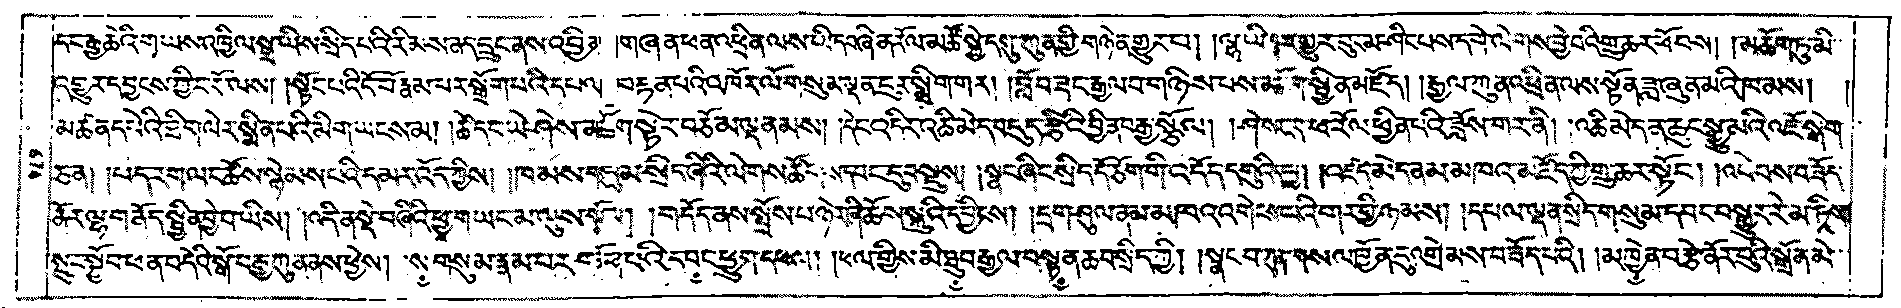དང་རྒྱ་ཆེའི་གཡས་འཁྱིལ་སྒྲ་ཡིས་སྲིད་པའི་རིམས་ནད་དྲུང་ནས་འབྱིན། །གཞན་ཕན་འཕྲིན་ལས་ཡིད་བཞིན་རོལ་མཚོ་སྐྱེ་དགུ་ཀུན་གྱི་གཉེན་གྱུར་པ། །ལྷ་ཡི་ལྷར་གྱུར་བུ་རམ་ཤིང་པས་དགེ་ལེགས་བྱེ་བའི་གྲུ་ཆར་ཕོབས། །མཆོག་ཏུ་མི་
འགྱུར་དབྱངས་ཀྱི་ང་རོ་ལས། །སྟོང་པའི་ངོ་བོ་རྣམ་པར་སྒྲོག་པའི་དཔལ། །བརྟན་པའི་འཁོར་ལོ་གསུམ་ལྡན་ངུར་སྨྲིག་གར། །བློ་བཟང་རྒྱལ་བ་གཉིས་པས་མཆོག་སྦྱིན་མཛོད། །རྒྱལ་ཀུན་འཕྲིན་ལས་སྟོན་ཟླ་ཞུན་མའི་ཁམས། །
མཚན་དཔེའི་ཐིག་ལེར་སྨིན་པའི་མིག་ཡངས་མ། །ཚེ་དང་ཡེ་ཤེས་མཆོག་སྟེར་བཅོམ་ལྡན་མས། །དེང་འདིར་འཆི་མེད་བདུད་རྩིའི་བྱིན་བརྒྱ་སྩོལ། །ཤེས་རབ་ཕ་རོལ་ཕྱིན་པའི་ཟློས་གར་ནི། །འཆི་མེད་ན་ཆུང་སྒྱུ་མའི་འཇོ་སྒེག་
ཅན། །པད་རག་ལང་ཚོས་སྙེམས་པའི་དམར་འོད་ཀྱིས། །ཁམས་གསུམ་སྲིད་ཞིའི་ལེགས་ཚོགས་དབང་དུ་བསྡུས། །སྣང་ཞིང་སྲིད་དོ་ཅོག་གི་འདོད་དགུའི་དཔྱ། །འཛད་མེད་ནམ་མཁའ་མཛོད་ཀྱི་གྲུ་ཆར་སྟོང་། །འབེབས་བཟོད་
ནོར་ལྷ་གནོད་སྦྱིན་བྱེ་བ་ཡིས། །འདི་ན་སྡེ་བཞིའི་ཕྱྭ་གཡང་མ་ལུས་སྩོལ། །གདོད་ནས་སྤྲོས་པ་ཉེར་ཞི་ཆོས་སྐུའི་དབྱིངས། །དྲག་ཤུལ་ནམ་མཁའ་འགེངས་པའི་གར་གྱི་ཉམས། །དཔལ་ལྡན་སྲིད་གསུམ་དབང་བསྒྱུར་རེ་མ་ཏཱིས།
སྲུང་སྐྱོབ་ཕན་བདེའི་སྒོ་བརྒྱ་ཀུན་ནས་ཕྱེས། །ས྾་གསུམ་རྣམ་པར་གནོན་པའི་དབང྾་ཕྱུག་དཔལ། །ཕལ་གྱིས་མི་ཐུབ྾་རྒྱལ་བསྟན྾་ཆབ་སྲིད་ཀྱི། །སྣང་བ་ཀུན྾་གསལ་ཁྱོན་དུ་འགྲེམས་བཟོད་པའི། །མཁྱེན྾་བརྩེ་ནོར་བུའི་སྒྲོན་མེ་